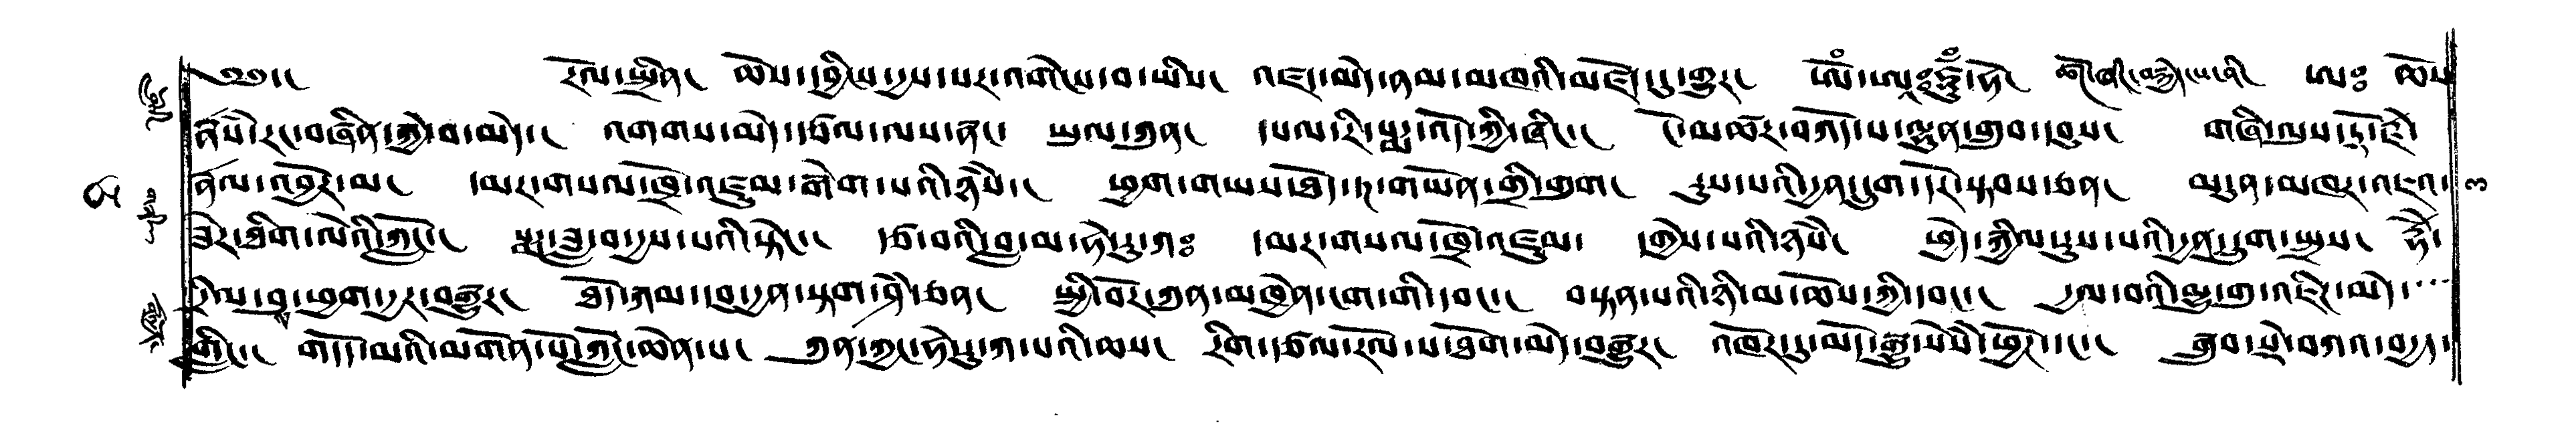རོལ་སྤྲིན། །ཆོས་དབྱིངས་རྒྱས་པར་འགེངས་བ་ཡིས། །འཛད་མེད་ནམ་མཁའི་མཛོད་དུ་གྱུར། ཨོཾ་ཨཱཿཧཱུྃ་ཧོཿ ཚོགས་ཞིང་བསྐྱེད་པ་ནི། ཨཱཿ ཆོས་
རྣམས་རང་བཞིན་སྐྱེ་བ་མེད། །འགག་མེད་རྩལ་ལས་སྣང་ཡུལ་ཀུན། །དཔལ་རི་པདྨ་འོད་ཀྱི་ཞིང་། །ངོ་མཚར་བཀོད་པ་ལྷུན་གྲུབ་དབུས། །གཞི་ལུས་རྡོ་རྗེ་
རྣལ་འབྱོར་མ། །དམར་གསལ་ཁྲོ་འཛུམ་སྒེག་པའི་ཉམས། །ཕྱག་གཡས་ཐོད་རྔ་གཡོན་གྲི་གུག །རུས་པའི་རྒྱན་དྲུག་དོར་སྟབས་ཅན། །མདུན་མཁར་འཇའ་
ཟེར་ཐིག་ལེའི་ཀློང་། །པདྨ་ཟླ་བ་རྒྱས་པའི་སྟེང་། །རྩ་བའི་བླ་མ་ཧེ་རུ་ཀ །དམར་གསལ་ཁྲོ་འཛུམ་དགྱེས་པའི་ཉམས། །ཕྱེད་སྐྱིལ་རུས་པའི་རྒྱན་དྲུག་སྤྲས། །རྡོ་རྗེ་
དྲིལ་བུས་ཕྱག་རྒྱ་སྒྱུར། །ཐོད་སྐམ་དབུ་རྒྱན་སྟག་ཤམ་ཅན། །སྤྱི་བོར་ཀུན་མཁྱེན་ངག་གི་དབང་། །བསྟན་པའི་ཉི་མ་ཆོས་ཀྱི་དབང་། །རྒྱལ་བའི་མྱུ་གུ་འཇིགས་མེད་
གླིང་།གདོད་མའི་མགོན་པོ་ཀློང་ཆེན་པ། །ཀུན་ཀྱང་ཧེ་རུ་ཀ་པའི་ཆས། །རིག་རྩལ་རོལ་པ་ཐོགས་མེད་སྒྱུར། །འཁོར་དུ་མདོ་སྒྱུ་སེམས་ཕྱོགས་དང་། །སྒྲུབ་སྡེ་བཀའ་བརྒྱད་